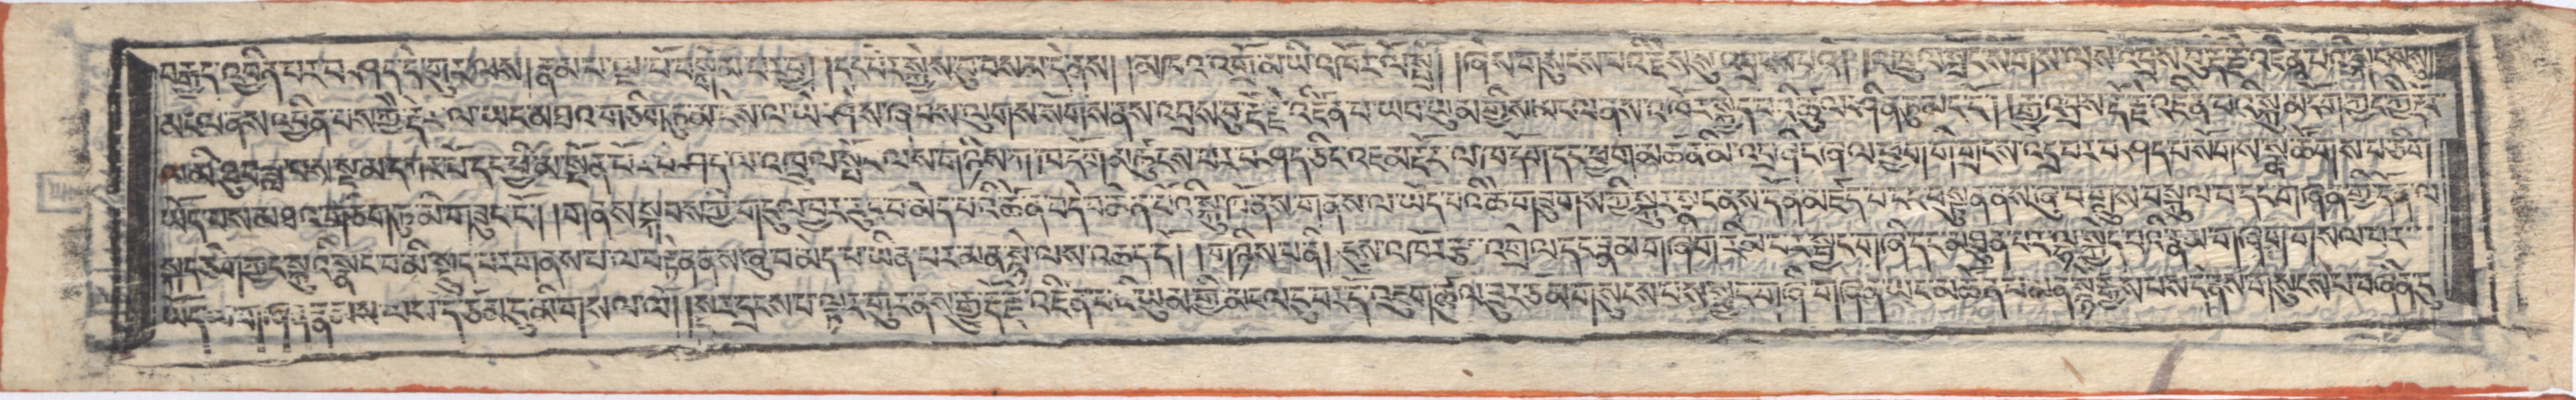བརྒྱད་འབྱིན་པར་བཤད་དེ་གུར་ལས། རྣམ་པ་ལྔ་པོ་བསྒོམ་པར་བྱ། །དང་པོར་སྐྱེས་བུ་བསམ་དེ་ནས། །མཁའ་འགྲོ་མ་ཡི་འཁོར་ལོ་སྤྲོ། །ཞེས་གསུངས་པའི་རྗེས་སུ་འབྲངས་པའོ། །འཁྲུལ་སྤོང་སོགས་ལས་འབྲས་བུ་རྡོ་རྗེ་འཛིན་པའི་སྐབས་སུ་
མངལ་ནས་འབྱིན་པས་ཀྱཻ་རྡོར་ལ་ཡང་མཐའ་གཅིག་ཏུ་མ་ངེས་ལ་ཡེ་ཤེས་ཞབས་ལུགས་སོགས་ནས་འབྲས་བུ་རྡོ་རྗེ་འཛིན་པ་ཡབ་ཡུམ་གྱིས་མངལ་ནས་འཁོར་སྐྱེད་པའི་ཚུལ་ཤིན་ཏུ་མང་ངོ། །རྒྱུ་འབྲས་རྡོ་རྗེ་འཛིན་པའི་སྐུ་མདོག་ཀྱང་ཀྱཻ་རྡོར་
ལ་མི་ཐུབ་ཟླ་བས་སྔ་མ་དཀར་པོ་དང་ཕྱི་མ་སྔོན་པོར་བཤད་ལ་འཁྲུལ་སྤོང་ལས་གཉིས་ཀ་ཁ་དོག་མཚུངས་པར་བཤད་ཅིང་འཇམ་རྡོར་ལ་ཁ་དོག་དང་ཕྱག་མཚན་མི་འདྲ་ཞིང་ཞལ་ཕྱག་གི་གྲངས་འདྲ་བར་བཤད་པ་སོགས་སྣ་ཚོགས་པ་ཅིག་
ཡོད་པས་མཐའ་གཅིག་ཏུ་མི་གཟུང་ངོ། །གནས་སྐབས་ཀྱི་གདུལ་བྱར་རུང་བ་མེད་པའི་ཚེ་ན་བདེ་བ་ཆེན་པོའི་སྐུ་ཁོ་ནས་གནས་ལ་ཡོད་པའི་ཚེ་གཟུགས་ཀྱི་སྐུར་སྣང་ནས་དོན་མཛད་བ་དང་བསྟུན་ནས་ཞུ་བ་གླུས་བསྐུལ་བ་དང་གཞན་གྱི་དོན་ལ་
སྐད་ཅིག་ཀྱང་སྐུའི་སྣང་བ་མི་སྡུད་པར་གནས་པ་ལ་བརྟེན་ནས་ཞུ་བ་མེད་པ་ཡིན་པར་མན་སྙེ་ལས་འཆད་དོ། །གཉིས་པ་ནི། དུས་འཁོར་རྩ་འགྲེལ་དང་རྣམ་གཞག་རིམ་པར་སྦྱང་གཞི་དང་མཐུན་པར་ལྷ་སྐྱེད་པའི་རྣམ་གཞག་གསལ་པར་
ཡོད་ལ་གཞན་རྣམས་ལས་དེ་ཙམ་དུ་མི་གསལ་ལོ། །སྔར་དྲངས་པ་ལྟར་གུར་ནས་རྒྱུ་རྡོ་རྗེ་འཛིན་པའི་ཡུམ་གྱི་མངལ་དུ་བར་དོ་འཇུག་ཚུལ་ཟུར་ཙམ་གསུངས་པས་སྦྱང་གཞི་གཞན་ཡང་མཚོན་པ་མན་སྙེ་རྒྱས་པས་དེ་ནས་གསུངས་པ་བཞིན་དུ་